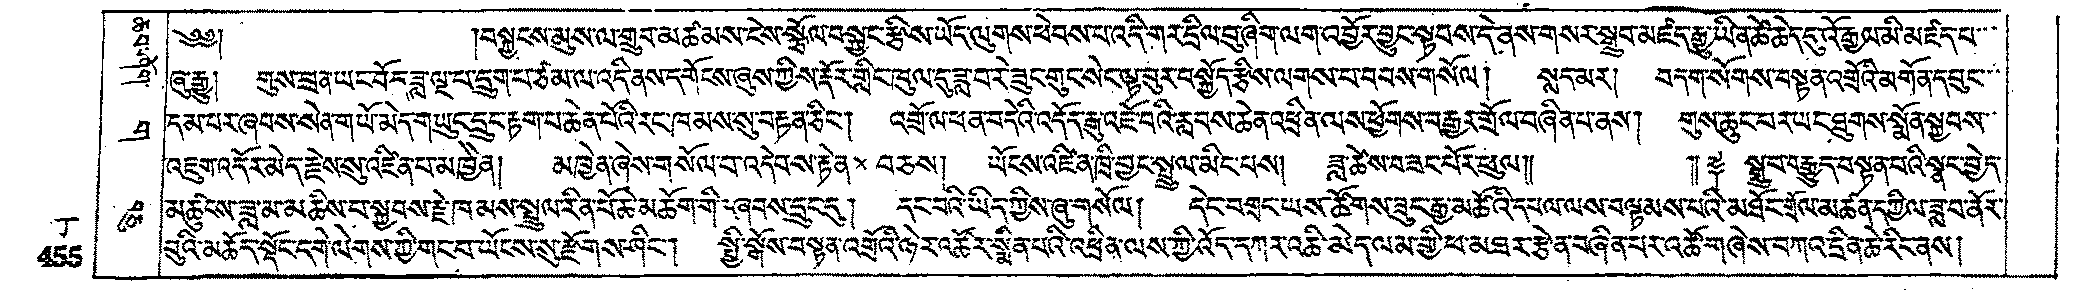༄༅། །བསྐྱངས་མུས་ལ་གྲུབ་མཚམས་ངེས་སྩོལ་བསྐྱང་རྩིས་ཡོད་ལུགས་ཕེབས་པ་འདི་གར་དྲིལ་བུ་ཞིག་ལག་འབྱོར་བྱུང་སྟབས་དེ་ནས་གསར་སྒྲུབ་མཛད་རྒྱུ་ཡིན་ཚེ་ཆེད་དུ་འོ་རྒྱལ་མི་མཛད་པ་་་
ཞུ་རྒྱུ། གུས་ཕྲན་ཡང་བོད་ཟླ་ལྔ་པ་དྲུག་པ་ཙམ་ལ་འདི་ནས་དགོངས་ཞུས་ཀྱིས་རྡོར་གླིང་ཁུལ་དུ་ཟླ་བ་རེ་ཟུང་གུང་སེང་ལྟ་བུར་བསྐྱོད་རྩིས་ལགས་པ་བབས་གསོལ། སླད་མར། བདག་སོགས་བསྟན་འགྲོའི་མགོན་དཔུང་་་
དམ་པར་ཞབས་སེན་གཡོ་མེད་གཡུང་དྲུང་རྟག་པ་ཆེན་པོའི་རང་ཁམས་སུ་བརྟན་ཅིང་། འགྲོ་ལ་ཕན་བདེའི་འདོད་རྒུ་འཇོ་བའི་རླབས་ཆེན་འཕྲིན་ལས་ཕྱོགས་བརྒྱར་གྲོལ་བཞིན་པ་ནས། གུས་ཆུང་པར་ཡང་ཐུགས་སྨོན་སྐྱབས་་་
འཇུག་འདོར་མེད་རྗེས་སུ་འཛིན་པ་མཁྱཻན། མཁྱེན་ཞེས་གསོལ་བ་འདེབས་རྟེན་྾་བཅས། ཡོངས་འཛིན་ཁྲི་བྱང་སྤྲུལ་མིང་པས། ཟླ་ཚེས་བཟང་པོར་ཕུལ།། །། འ་སྒྲུབ་བརྒྱུད་བསྟན་པའི་སྣང་བྱེད་
མཚུངས་ཟླ་མ་མཆིས་པ་སྐྱབས་རྗེ་ཁམས་སྤྲུལ་རིན་པོ་ཆེ་མཆོག་གི་༧ཞབས་དྲུང་དུ། དང་བའི་ཡིད་ཀྱིས་ཞུ་གསོལ། དེང་བགྲང་ཡས་ཚོགས་ཟུང་རྒྱ་མཚོའི་དཔལ་ལས་བལྟམས་པའི་མཐོང་གྲོལ་མཚན་དཀྱིལ་ཟླ་བ་ནོར་
བུའི་མཆོད་སྡོང་དགེ་ལེགས་ཀྱི་གང་བ་ཡོངས་སུ་རྫོགས་ཤིང་། སྤྱི་སྒོས་བསྟན་འགྲོའི་ཉེར་འཚོར་སྨིན་པའི་འཕྲིན་ལས་ཀྱི་འོད་དཀར་འཆི་མེད་ལམ་གྱི་ཕ་མཐར་རྩེན་བཞིན་པར་འཚོ་གཞེས་བཀའ་དྲིན་ཆེ་རིང་ནས།